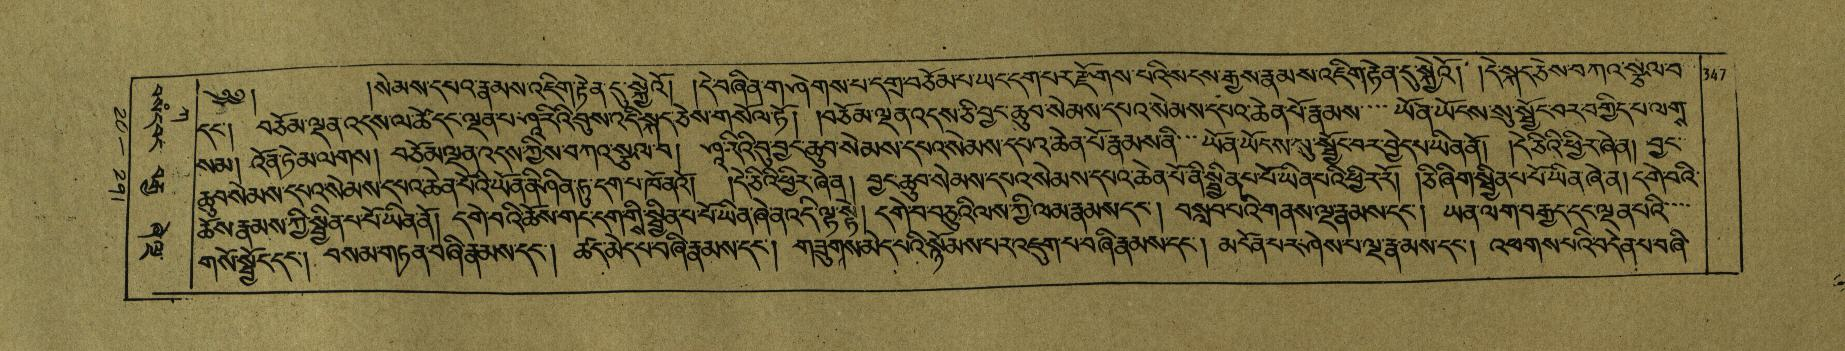༄༅། །སེམས་དཔའ་རྣམས་འཇིག་རྟེན་དུ་སྐྱེའོ། །དེ་བཞིན་གཤེགས་པ་དགྲ་བཅོམ་པ་ཡང་དག་པར་རྫོགས་པའི་སངས་རྒྱས་རྣམས་འཇིག་རྟེན་དུ་སྐྱེའོ། །དེ་སྐད་ཅེས་བཀའ་སྩལ་བ་
དང་། བཅོམ་ལྡན་འདས་ལ་ཚེ་དང་ལྡན་པ་ཤཱ་རིའི་བུས་འདི་སྐད་ཅེས་གསོལ་ཏོ། །བཅོམ་ལྡན་འདས་ཅི་བྱང་ཆུབ་སེམས་དཔའ་སེམས་དཔའ་ཆེན་པོ་རྣམས་ཡོན་ཡོངས་སུ་སྦྱོང་བར་བགྱིད་པ་ལགས་
སམ། འོན་ཏེ་མ་ལགས། བཅོམ་ལྡན་འདས་ཀྱིས་བཀའ་སྩལ་བ། ཤཱ་རིའི་བུ་བྱང་ཆུབ་སེམས་དཔའ་སེམས་དཔའ་ཆེན་པོ་རྣམས་ནི་ཡོན་ཡོངས་སུ་སྦྱོང་བར་བྱེད་པ་ཡིན་ནོ། །དེ་ཅིའི་ཕྱིར་ཞེ་ན། བྱང་
ཆུབ་སེམས་དཔའ་སེམས་དཔའ་ཆེན་པོའི་ཡོན་ནི་ཤིན་ཏུ་དག་པ་ཁོ་ནའོ། །དེ་ཅིའི་ཕྱིར་ཞེ་ན། བྱང་ཆུབ་སེམས་དཔའ་སེམས་དཔའ་ཆེན་པོ་ནི་སྦྱིན་པ་པོ་ཡིན་པའི་ཕྱིར་རོ། །ཅི་ཞིག་སྦྱིན་པ་པོ་ཡིན་ཞེ་ན། དགེ་བའི་
ཆོས་རྣམས་ཀྱི་སྦྱིན་པ་པོ་ཡིན་ནོ། དགེ་བའི་ཆོས་གང་དག་གིས་སྦྱིན་པ་པོ་ཡིན་ཞེ་ན་འདི་ལྟ་སྟེ། དགེ་བ་བཅུའི་ལས་ཀྱི་ལམ་རྣམས་དང་། བསླབ་པའི་གནས་ལྔ་རྣམས་དང་། ཡན་ལག་བརྒྱད་དང་ལྡན་པའི་
གསོ་སྦྱོང་དང་། བསམ་གཏན་བཞི་རྣམས་དང་། ཚད་མེད་པ་བཞི་རྣམས་དང་། གཟུགས་མེད་པའི་སྙོམས་པར་འཇུག་པ་བཞི་རྣམས་དང་། མངོན་པར་ཤེས་པ་ལྔ་རྣམས་དང་། འཕགས་པའི་བདེན་པ་བཞི་